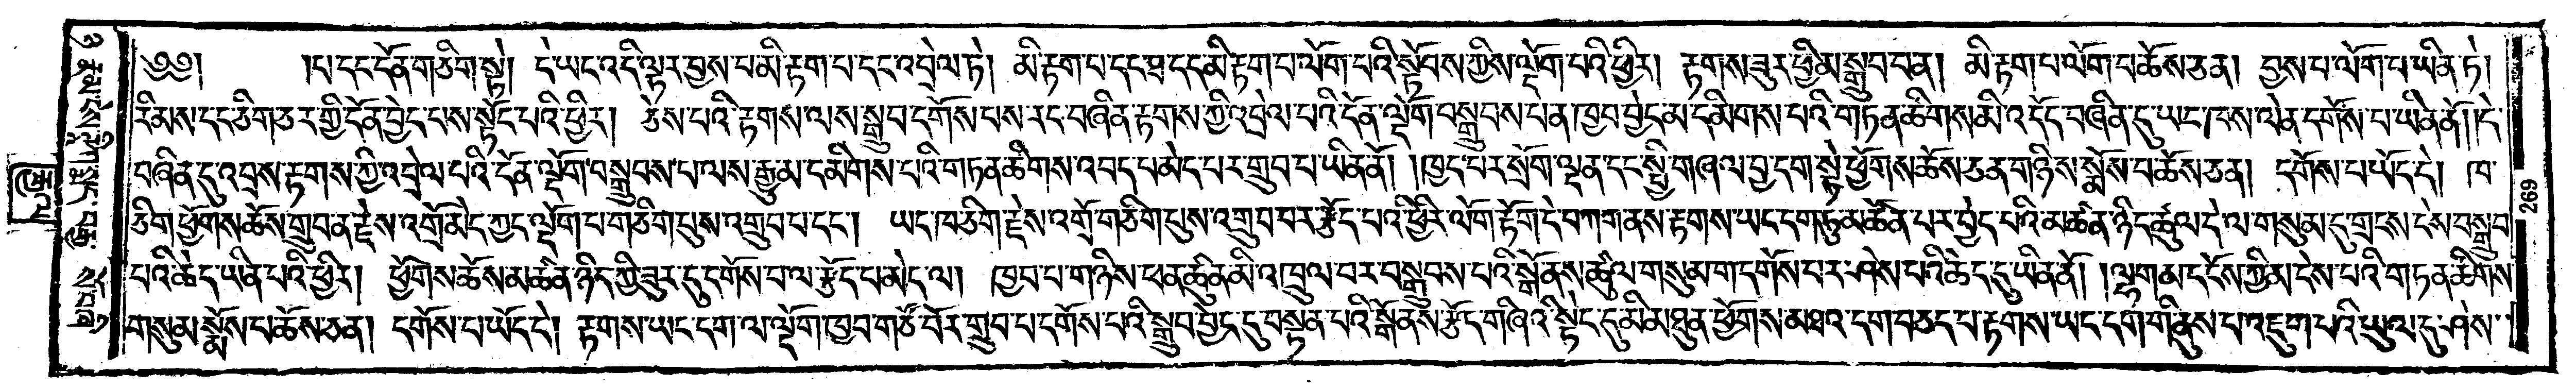༄༅། །པ་དང་དོན་གཅིག་སྟེ། དེ་ཡང་འདི་ལྟར་བྱས་པ་མི་རྟག་པ་དང་འབྲེལ་ཏེ། མི་རྟག་པ་དང་ཐ་དད་མི་རྟག་པ་ལོག་པའི་སྟོབས་ཀྱིས་ལྡོག་པའི་ཕྱིར། རྟགས་ཟུར་ཕྱི་མ་སྒྲུབ་བ་ན། མི་རྟག་པ་ལོག་པ་ཆོས་ཅན། བྱས་པ་ལོག་པ་ཡིན་ཏེ།
རིམས་དང་ཅིག་ཅར་གྱི་དོན་བྱེད་པས་སྟོང་པའི་ཕྱིར། ཅེས་པའི་རྟགས་ལས་སྒྲུབ་དགོས་པས་རང་བཞིན་རྟགས་ཀྱི་འབྲེལ་པའི་དོན་ལྡོག་བསྒྲུབས་པ་ན་ཁྱབ་བྱེད་མ་དམིགས་པའི་གཏན་ཚིགས་མི་འདོད་བཞིན་དུ་ཡང་ཁས་ལེན་དགོས་པ་ཡིན་ནོ། །དེ་
བཞིན་དུ་འབྲས་རྟགས་ཀྱི་འབྲེལ་པའི་དོན་ལྡོག་བསྒྲུབས་པ་ལས་རྒྱུ་མ་དམིགས་པའི་གཏན་ཚིགས་འབད་པ་མེད་པར་གྲུབ་པ་ཡིན་ནོ། །ཁྱད་པར་སྲོག་ལྡན་དང་སྤྱི་གཞལ་བྱ་དག་སྟེ་ཕྱོགས་ཆོས་ཅན་གཉིས་སྨོས་པ་ཆོས་ཅན། དགོས་པ་ཡོད་དེ། ཁ་
ཅིག་ཕྱོགས་ཆོས་གྲུབ་ན་རྗེས་འགྲོ་མེད་ཀྱང་ལྡོག་པ་གཅིག་པུས་འགྲུབ་པ་དང་། ཡང་ཁ་ཅིག་རྗེས་འགྲོ་གཅིག་པུས་འགྲུབ་པར་རྩོད་པའི་ཕྱིར་ལོག་རྟོག་དེ་བཀག་ནས་རྟགས་ཡང་དག་ཏུ་མཚོན་པར་བྱེད་པའི་མཚན་ཉིད་ཚུལ་དེ་ལ་གསུམ་དུ་གྲངས་ངེས་བསྒྲུབ་
པའི་ཆེད་ཡིན་པའི་ཕྱིར། ཕྱོགས་ཆོས་མཚན་ཉིད་ཀྱི་ཟུར་དུ་དགོས་པ་ལ་རྩོད་པ་མེད་ལ། ཁྱབ་པ་གཉིས་ཕན་ཚུན་མི་འཁྲུལ་བར་བསྒྲུབས་པའི་སྒོ་ནས་ཚུལ་གསུམ་ག་དགོས་པར་ཤེས་པའི་ཆེད་དུ་ཡིན་ནོ། །ལྷག་མ་དངོས་ཀྱི་མ་ངེས་པའི་གཏན་ཚིགས་
གསུམ་སྨོས་པ་ཆོས་ཅན། དགོས་པ་ཡོད་དེ། རྟགས་ཡང་དག་ལ་ལྡོག་ཁྱབ་གཙོ་བོར་གྲུབ་པ་དགོས་པའི་སྒྲུབ་བྱེད་དུ་བསྟན་པའི་སྒོ་ནས་རྩོད་གཞིའི་སྟེང་དུ་མི་མཐུན་ཕྱོགས་མཐའ་དག་བཅད་པ་རྟགས་ཡང་དག་གི་ནུས་པ་འཇུག་པའི་ཡུལ་དུ་ཤེས་